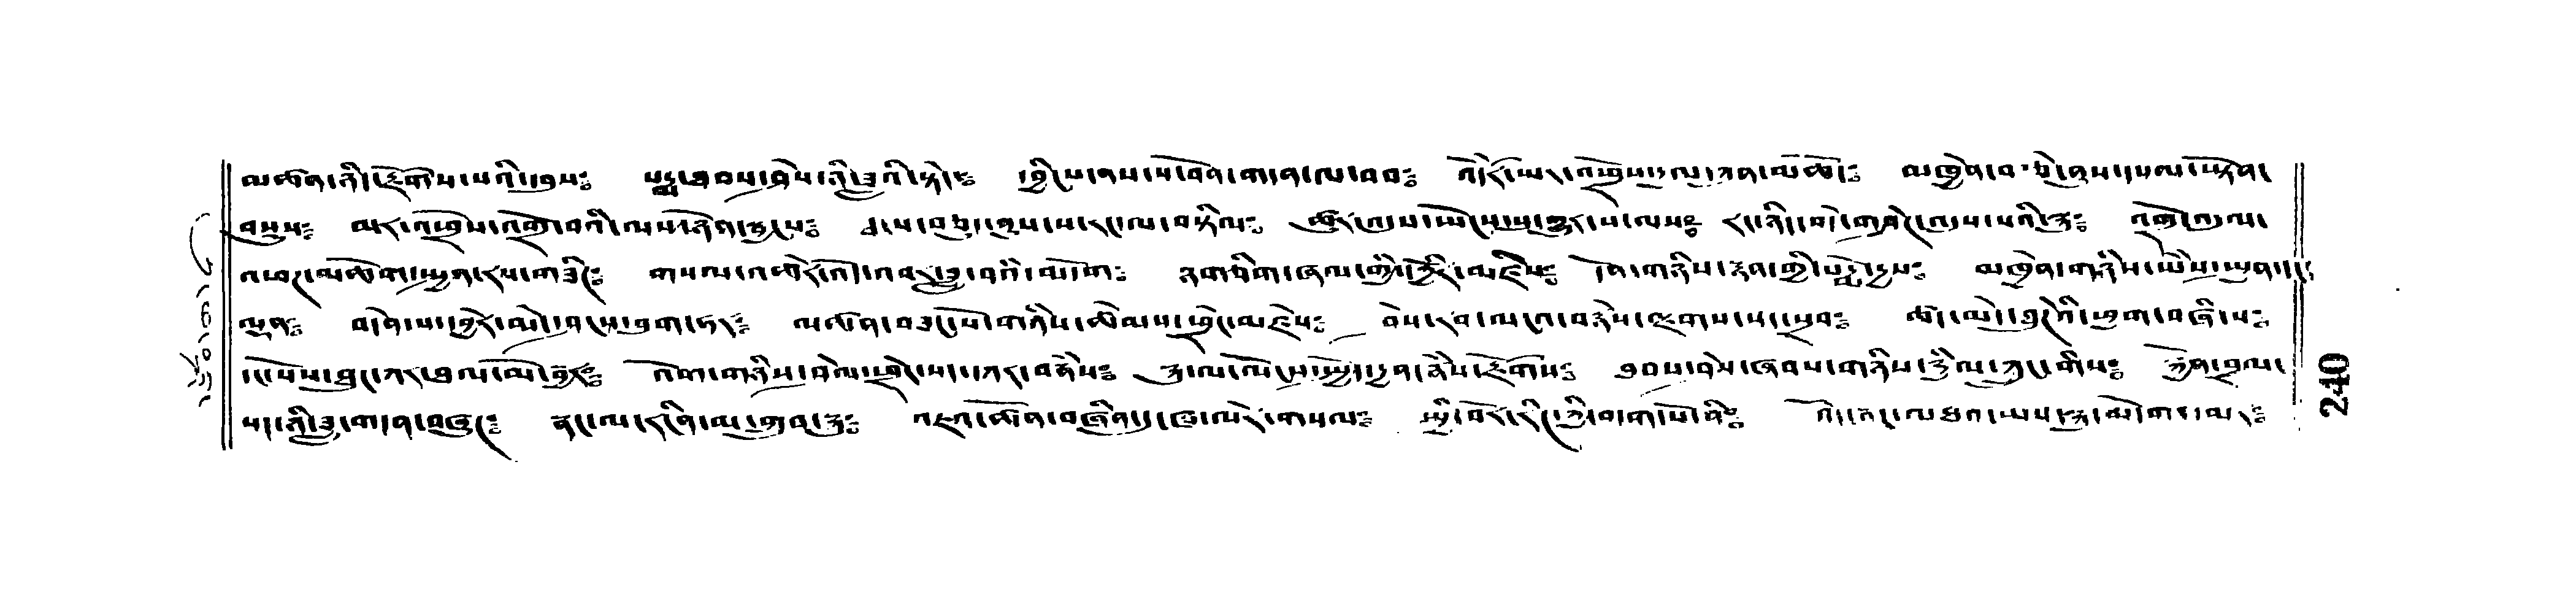མཚན་ཉིད་རྫོགས་པའི་དབུས༔ པདྨ་ཐབས་ཤེས་ཉི་ཟླའི་སྟེང༔ དབྱིངས་ནས་ས་བོན་གདན་ལ་བབས༔ འོད་ཟེར་ཡར་འཕྲོས་རྒྱལ་ཀུན་མཆོད༔ མཁྱེན་བརྩེ་ནུས་དཔལ་ཡོན་ཏན་
བསྡུས༔ མར་འཕྲོས་འགྲོ་བའི་ལས་ཉོན་སྦྱངས༔ དྭངས་བཅུད་ནུས་པ་རང་ལ་བསྟིམ༔ ཚུར་འདུས་ཡོངས་སུ་གྱུར་པ་ལས༔ རང་ཉིད་བདེ་གཤེགས་འདུས་པའི་སྐུ༔ འགྲོ་འདུལ་
འཕགས་མཆོག་སྤྱན་རས་གཟིགས༔ གསལ་འཚེར་འོད་འབར་ཟླ་བའི་མདོག༔ ཉག་གཅིག་ཞལ་གྱི་དཀྱིལ་འཁོར་མཛེས༔དོན་གཉིས་སྙན་གྱི་པདྨོ་རྒྱས༔ མཁྱེན་གཉིས་ཡེ་ཤེས་སྤྱན་དང་
ལྡན༔ བདེན་པ་དབྱེར་མེད་ཤངས་བུག་ཧར༔ མཚན་བཟང་སོ་གཉིས་ཚེམས་ཕྲེང་མཛེས༔ ཤེས་རབ་མངའ་བརྙེས་ལྗགས་པད་སྲབ༔ ཚད་མེད་ཐུགས་རྗེའི་ཕྱག་བཞི་པ༔
དང་པོས་ཐུགས་ཀར་ཐལ་མོ་སྦྱར༔ འོག་གཉིས་ཤེལ་ཕྲེང་པད་དཀར་བསྣམས༔ སྐུ་ལ་ལོངས་སྤྱོད་རྒྱན་རྣམས་རྫོགས༔ ཐབས་ཤེས་ཞབས་གཉིས་སྐྱིལ་ཀྲུང་གིས༔ སྐྱོན་བྲལ་
པད་ཉི་ཟླ་གདན་བཞུགས༔ སྣང་ལ་རང་བཞིན་མ་གྲུབ་སྐུ༔ འཇའ་ཚོན་བཞིན་དུ་ཝ་ལེར་གསལ༔ སྤྱི་བོར་རིགས་ཀྱི་བདག་པོ་ནི༔ འོད་སྣང་མཐའ་ཡས་སྐུ་མདོག་དམར༔